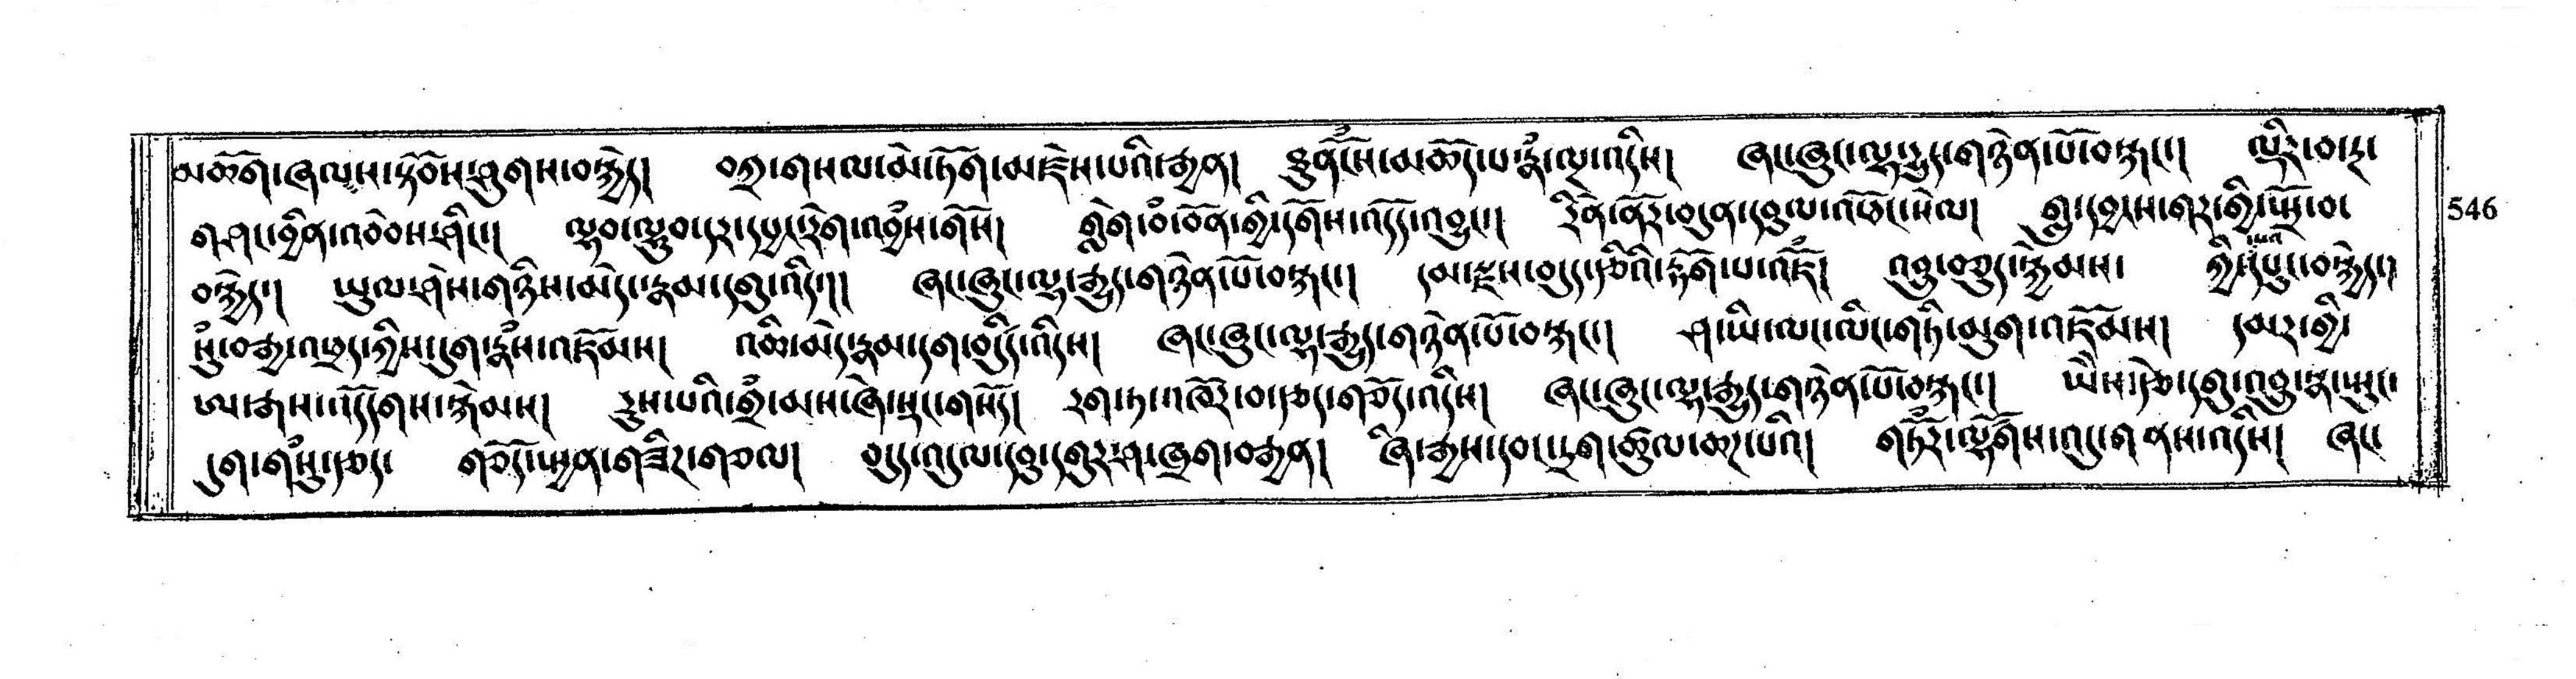མཆོག་ཞལ་ཟས་སྟོབས་ཤུགས་བསྐྱེད། བཀྲ་གསལ་མེ་ཏོག་མཛེས་པའི་རྒྱན། ཐུན་མོངས་མཆོད་པ་རྣམ་ལྔ་འདིས། ཞང་ཞུང་ལྷ་རྒྱུད་གཉེན་པོ་བསྐང་། ལྡིར་བ་རྔ་
གཤང་བྱིན་འབེབས་ཤིང་། ལྷབ་ལྷུབ་དར་དཔྱང་རེག་འབྱམས་གོས། གླེགས་བམ་བོན་གྱི་དགོས་འདོད་འབྱུང་། རིན་ཆེན་ནོར་བདུན་དབུལ་འཕོང་སེལ། གླུ་དབྱངས་གར་གྱི་སྤྲོ་བ་
བསྐྱེད། ཡུལ་ཤེས་གཉིས་མེད་རྣམ་དགུ་འདི།། ཞང་ཞུང་ལྷ་རྒྱུད་གཉེན་པོ་བསྐང་། དམ་རྫས་བདུད་རྩིའི་རྟོག་པ་འཇོམ། འབྲུ་བཅུད་སྐྱེམས་ཀྱི་དཔའ་དཔུང་བསྐྱེད། 
སུམ་བརྒྱ་འཕྲད་ཀྱིས་དུག་རྣམས་འཇོམས། འཆི་མེད་རྣམ་དག་བདུད་རྩི་འདིས། ཞང་ཞུང་ལྷ་རྒྱུད་གཉེན་པོ་བསྐང་། ཤ་ཡི་ལང་ལིང་གཏི་མུག་འཇོམས། དམར་གྱི་
ཨ་རྒས་འདོད་ཆགས་སྐེམས། རུས་པའི་གྲམ་མས་ཞེ་སྡང་གསོད། རག་ཏ་འཁོར་བ་རྩད་གཅོད་འདིས། ཞང་ཞུང་ལྷ་རྒྱུད་གཉེན་པོ་བསྐང་། ཡེ་ཤེས་རྩེ་དགུ་འབྲུ་སྣ་སྤུང་། །
དུག་གསུམ་རྩད་གཅོད་སྤྱན་གཟིགས་གཅལ། བདུད་འདུལ་དབུ་དགུར་ཤ་ཁྲག་བརྒྱན། ཞི་རྒྱས་དབང་དྲག་ཚུལ་ཆགས་པའི། གཏོར་མ་ལྷ་ཚོགས་འདུ་གནས་འདིས། ཞང་